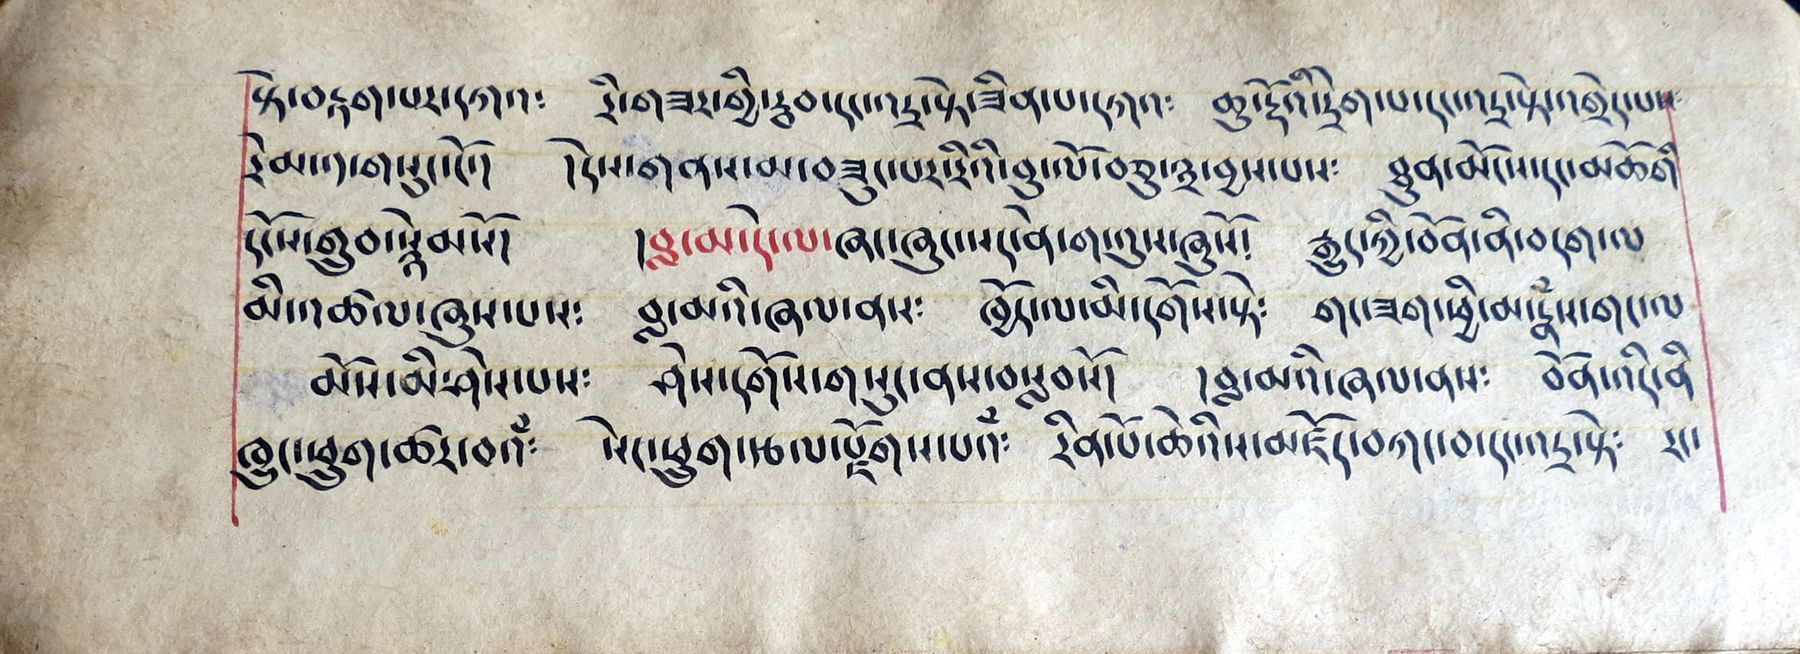སྟེ་བརྟག་པ་དཀའ་འོ། །རི་གཟར་གྱི་རྦབ་དང་འདྲ་སྟེ་ཟིན་པ་དཀའ་འོ། །ཆུ་རྡོའི་དྲེག་དང་འདྲ་སྟེ་འདྲེད་པས་
རེམས་ཤིག་གསུངས་སོ། །དེས་གནས་མ་བཟུང་པར་རིའི་བུ་ལོ་བཅུ་གསུམ་བྱས་པས། ཐུན་མོང་དང་མཆོག་གི་
དངོས་གྲུབ་བསྙེམས་སོ། །བླ་མ་དེ་ལ། ཞང་ཞུང་སད་ནེ་གའུས་ཞུས་སོ། རྒྱུད་ཀྱི་བོན་ནི་བདག་ལ་
མི་འཚལ་ཞུས་པས། བླ་མའི་ཞལ་ནས། ཁྱོད་ལ་མི་དགོས་ཏེ། གང་ཟག་ཕྱི་མ་རྣམས་གང་ལ་
མོས་མི་ཤེས་པས། ཤེས་དགོས་གསུང་ནས་བསླབས་སོ། །བླ་མའི་ཞལ་ནས། བོན་འདི་ནི་
ཁྱུང་ཕྲུག་ཚར་བའམ། སེང་ཕྲུག་རྩལ་རྫོགས་པའམ། རིན་པོ་ཆེའི་དཀོར་མཛོད་བཀང་པ་དང་འདྲ་སྟེ། རང་